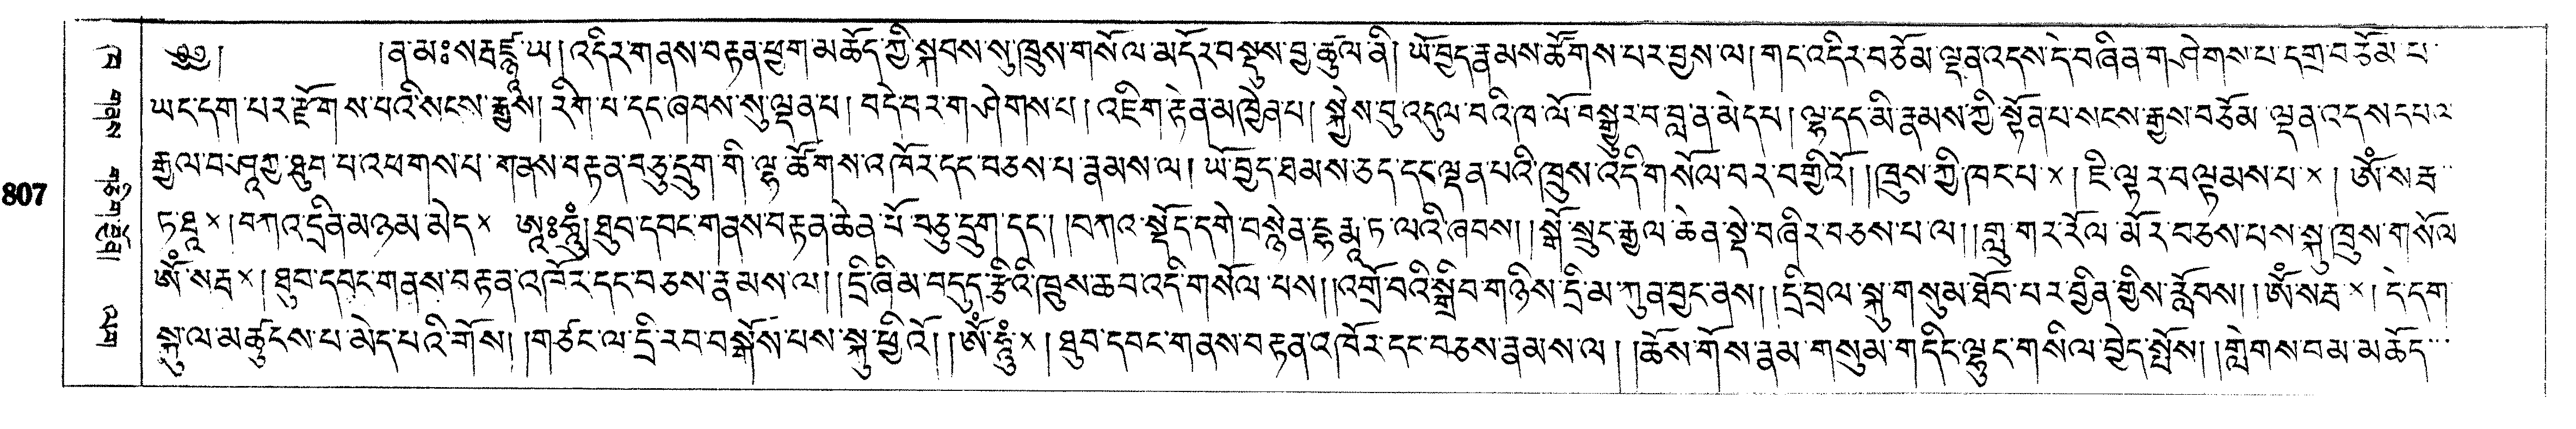༄༅། །ན་མཿ སརྦཛྙ་ཡ། འདིར་གནས་བརྟན་ཕྱག་མཆོད་ཀྱི་སྐབས་སུ་ཁྲུས་གསོལ་མདོར་བསྡུས་བྱ་ཚུལ་ནི། ཡོ་བྱད་རྣམས་ཚོགས་པར་བྱས་ལ། གང་འདིར་བཅོམ་ལྡན་འདས་དེ་བཞིན་གཤེགས་པ་དགྲ་བཅོམ་པ་
ཡང་དག་པར་རྫོགས་པའི་སངས་རྒྱས། རིག་པ་དང་ཞབས་སུ་ལྡན་པ། བདེ་བར་གཤེགས་པ། འཇིག་རྟེན་མཁྱེན་པ། སྐྱེས་བུ་འདུལ་བའི་ཁ་ལོ་བསྒྱུར་བ་བླ་ན་མེད་པ། ལྷ་དང་མི་རྣམས་ཀྱི་སྟོན་པ་སངས་རྒྱས་བཅོམ་ལྡན་འདས་དཔའ་
རྒྱལ་བ་ཤཱ་ཀྱ་ཐུབ་པ་འཕགས་པ་གནས་བརྟན་བཅུ་དྲུག་གི་ལྷ་ཚོགས་འཁོར་དང་བཅས་པ་རྣམས་ལ། ཡོ་བྱད་ཐམས་ཅད་དང་ལྡན་པའི་ཁྲུས་འདི་གསོལ་བར་བགྱིའོ། །ཁྲུས་ཀྱི་ཁང་པ྾། ཇི་ལྟར་བལྟམས་པ྾། ཨོཾ་སརྦ་
ཏ་ཐཱ྾། བཀའ་དྲིན་མཉམ་མེད྾་ཨཱཿ ཧཱུཾ། ཐུབ་དབང་གནས་བརྟན་ཆེན་པོ་བཅུ་དྲུག་དང་། །བཀའ་སྡོད་དགེ་བསྙེན་དྷརྨཱ་ཏ་ལའི་ཞབས། །སྒོ་སྲུང་རྒྱལ་ཆེན་སྡེ་བཞིར་བཅས་པ་ལ། །གླུ་གར་རོལ་མོར་བཅས་པས་སྐུ་ཁྲུས་གསོལ་
ཨོཾ་སརྦ྾། ཐུབ་དབང་གནས་བརྟན་འཁོར་དང་བཅས་རྣམས་ལ། །དྲི་ཞིམ་བདུད་རྩིའི་ཁྲུས་ཆབ་འདི་གསོལ་པས། །འགྲོ་བའི་སྒྲིབ་གཉིས་དྲི་མ་ཀུན་བྱང་ནས། །དྲི་བྲལ་སྐུ་གསུམ་ཐོབ་པར་བྱིན་གྱིས་རློབས། །ཨོཾ་སརྦ་྾། དེ་དག་
སྐུ་ལ་མཚུངས་པ་མེད་པའི་གོས། །གཙང་ལ་དྲི་རབ་བསྒོས་པས་སྐུ་ཕྱིའོ། །ཨོཾ་ཧཱུཾ་྾། ཐུབ་དབང་གནས་བརྟན་འཁོར་དང་བཅས་རྣམས་ལ། །ཆོས་གོས་རྣམ་གསུམ་གདིང་ལྷུང་གསིལ་བྱེད་སྤོས། །གླེགས་བམ་མཆོད་